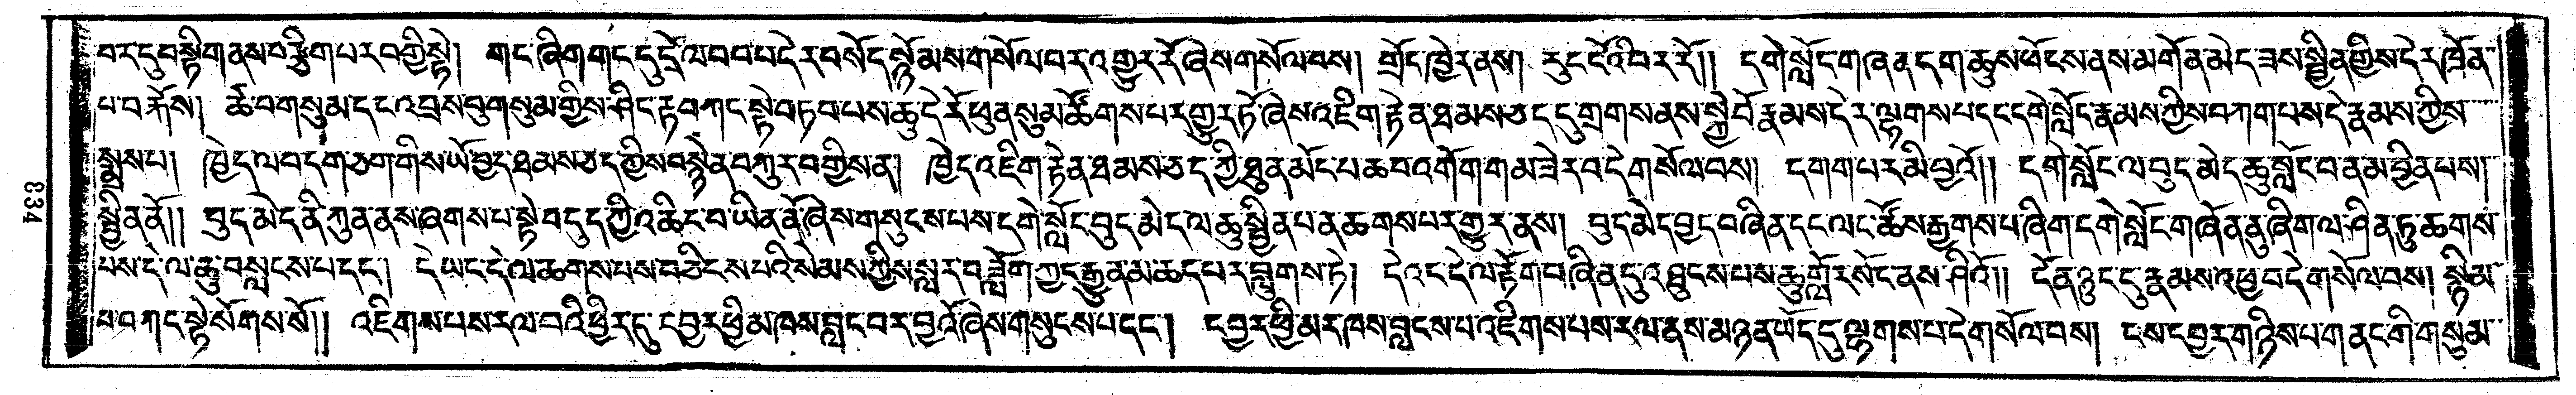བར་དུ་བསྟིག་ནས་བརྩིག་པར་བགྱི་སྟེ། གང་ཞིག་གང་དུ་དྲོ་ལ་བབ་པ་དེར་བསོད་སྙོམས་གསོལ་བར་འགྱུར་རོ་ཞེས་གསོལ་བས། གྲོང་ཁྱེར་ནས། རུང་ངོའི་བར་རོ།། དགེ་སློང་གཞན་དག་ཆུས་ཕོངས་ནས་མགོན་མེད་ཟས་སྦྱིན་གྱིས་དེར་ཁྲོན་
པ་བརྐོས། ཚ་བ་གསུམ་དང་འབྲས་བུ་གསུམ་གྱིས་ཤིང་རྟ་བཀང་སྟེ་བཏབ་པས་ཆུ་དེ་རོ་ཕུན་སུམ་ཚོགས་པར་གྱུར་ཏོ་ཞེས་འཇིག་རྟེན་ཐམས་ཅད་དུ་གྲགས་ནས་སྐྱེ་བོ་རྣམས་དེར་ལྷགས་པ་དང་དགེ་སློང་རྣམས་ཀྱིས་བཀག་པས་དེ་རྣམས་ཀྱིས་
སྨྲས་པ། ཁྱེད་ལ་བདག་ཅག་གིས་ཡོ་བྱད་ཐམས་ཅད་ཀྱིས་བསྙེན་བཀུར་བགྱིས་ན། ཁྱེད་འཇིག་རྟེན་ཐམས་ཅད་ཀྱི་ཐུན་མོང་པ་ཆབ་འགོག་གམ་ཟེར་བ་དེ་གསོལ་བས། དགག་པར་མི་བྱའོ།། དགེ་སློང་ལ་བུད་མེད་ཆུ་སློང་བ་ན་མ་བྱིན་པས།
སྦྱིན་ནོ།། བུད་མེད་ནི་ཀུན་ནས་ཞགས་པ་སྟེ་བདུད་ཀྱི་འཆིང་བ་ཡིན་ནོ་ཞེས་གསུངས་པས་དགེ་སློང་བུད་མེད་ལ་ཆུ་སྦྱིན་པ་ན་ཆགས་པར་གྱུར་ནས། བུད་མེད་བྱད་བཞིན་དང་ལང་ཚོས་རྒྱགས་པ་ཞིག་དགེ་སློང་གཞོན་ནུ་ཞིག་ལ་ཤིན་ཏུ་ཆགས་
པས་དེ་ལ་ཆུ་བསླངས་པ་དང་། དེ་ཡང་དེ་ལ་ཆགས་པས་བཅིངས་པའི་སེམས་ཀྱིས་སླར་བཟློག་ཀྱང་རྒྱུན་མ་ཆད་པར་བླུགས་ཏེ། དེའང་དེ་ལ་རྟོག་བཞིན་དུ་འཐུངས་པས་ཆུ་གློར་སོང་ནས་ཤིའོ།། དོན་ཉུང་དུ་རྣམས་འཕྱ་བདེ་གསོལ་བས། སྙིམ་
པ་བཀང་སྟེ་སོགས་སོ།། འཇིགས་པས་རལ་བའི་ཕྱིར་དུ་དབྱར་ཕྱི་མཁས་བླང་བར་བྱའོ་ཞེས་གསུངས་པ་དང་། དབྱར་ཕྱི་མར་ཁས་བླངས་པ་འཇིགས་པས་རལ་ནས་མཉན་ཡོད་དུ་ལྷགས་པ་དེ་གསོལ་བས། ངས་དབྱར་གཉིས་པ་གནང་གི་གསུམ་